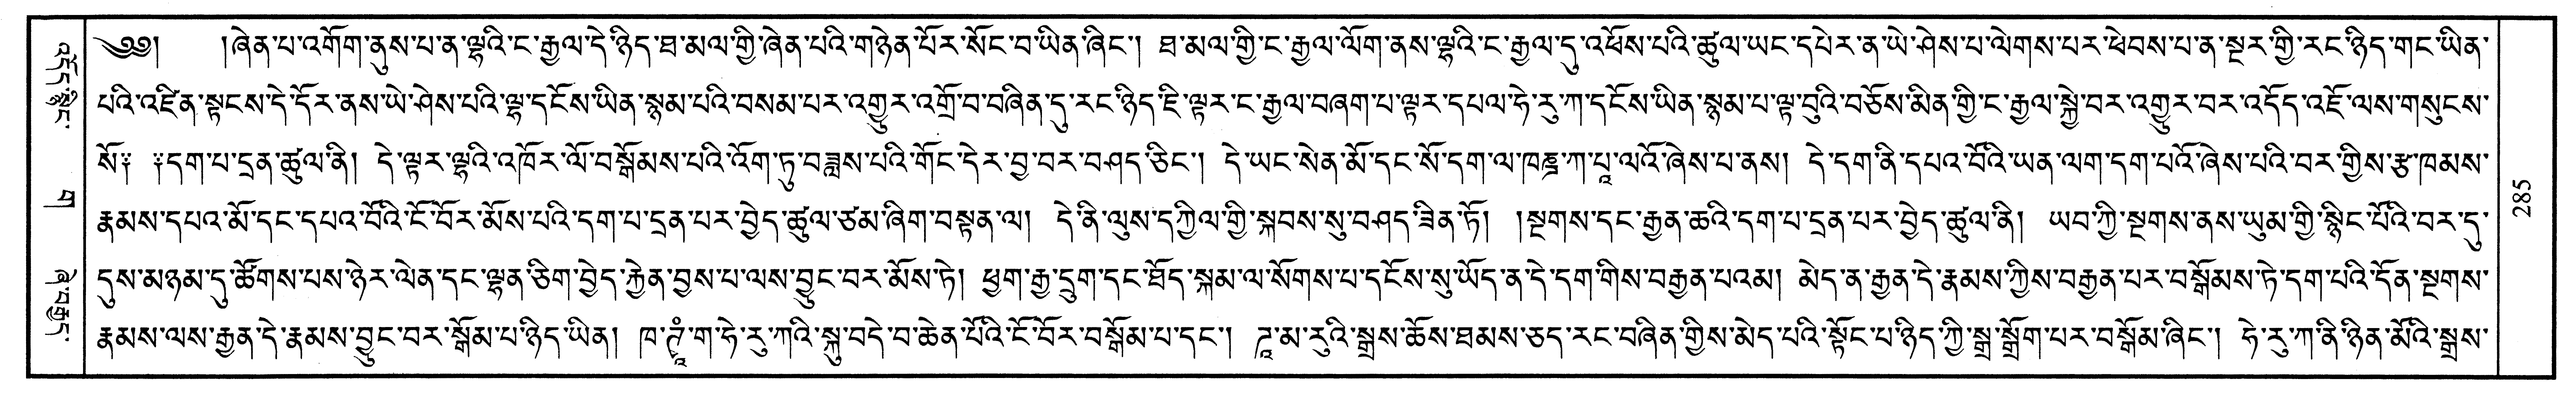༄༅། །ཞེན་པ་འགོག་ནུས་པ་ན་ལྷའི་ང་རྒྱལ་དེ་ཉིད་ཐ་མལ་གྱི་ཞེན་པའི་གཉེན་པོར་སོང་བ་ཡིན་ཞིང་། ཐ་མལ་གྱི་ང་རྒྱལ་ལོག་ནས་ལྷའི་ང་རྒྱལ་དུ་འཕོས་པའི་ཚུལ་ཡང་དཔེར་ན་ཡེ་ཤེས་པ་ལེགས་པར་ཕེབས་པ་ན་སྔར་གྱི་རང་ཉིད་གང་ཡིན་
པའི་འཛིན་སྟངས་དེ་དོར་ནས་ཡེ་ཤེས་པའི་ལྷ་དངོས་ཡིན་སྙམ་པའི་བསམ་པར་འགྱུར་འགྲོ་བ་བཞིན་དུ་རང་ཉིད་ཇི་ལྟར་ང་རྒྱལ་བཞག་པ་ལྟར་དཔལ་ཧེ་རུ་ཀ་དངོས་ཡིན་སྙམ་པ་ལྟ་བུའི་བཅོས་མིན་གྱི་ང་རྒྱལ་སྐྱེ་བར་འགྱུར་བར་འདོད་འཇོ་ལས་གསུངས་
སོ༑ ༑དག་པ་དྲན་ཚུལ་ནི། དེ་ལྟར་ལྷའི་འཁོར་ལོ་བསྒོམས་པའི་འོག་ཏུ་བཟླས་པའི་གོང་དེར་བྱ་བར་བཤད་ཅིང་། དེ་ཡང་སེན་མོ་དང་སོ་དག་ལ་ཁཎྜ་ཀ་པཱ་ལའོ་ཞེས་པ་ནས། དེ་དག་ནི་དཔའ་བོའི་ཡན་ལག་དག་པའོ་ཞེས་པའི་བར་གྱིས་རྩ་ཁམས་
རྣམས་དཔའ་མོ་དང་དཔའ་བོའི་ངོ་བོར་མོས་པའི་དག་པ་དྲན་པར་བྱེད་ཚུལ་ཙམ་ཞིག་བསྟན་ལ། དེ་ནི་ལུས་དཀྱིལ་གྱི་སྐབས་སུ་བཤད་ཟིན་ཏོ། །སྔགས་དང་རྒྱན་ཆའི་དག་པ་དྲན་པར་བྱེད་ཚུལ་ནི། ཡབ་ཀྱི་སྔགས་ནས་ཡུམ་གྱི་སྙིང་པོའི་བར་དུ་
དུས་མཉམ་དུ་ཚོགས་པས་ཉེར་ལེན་དང་ལྷན་ཅིག་བྱེད་རྐྱེན་བྱས་པ་ལས་བྱུང་བར་མོས་ཏེ། ཕྱག་རྒྱ་དྲུག་དང་ཐོད་སྐམ་ལ་སོགས་པ་དངོས་སུ་ཡོད་ན་དེ་དག་གིས་བརྒྱན་པའམ། མེད་ན་རྒྱན་དེ་རྣམས་ཀྱིས་བརྒྱན་པར་བསྒོམས་ཏེ་དག་པའི་དོན་སྔགས་
རྣམས་ལས་རྒྱན་དེ་རྣམས་བྱུང་བར་སྒོམ་པ་ཉིད་ཡིན། ཁ་ཊྭཱཾ་ག་ཧེ་རུ་ཀའི་སྐུ་བདེ་བ་ཆེན་པོའི་ངོ་བོར་བསྒོམ་པ་དང་། ཌཱ་མ་རུའི་སྒྲས་ཆོས་ཐམས་ཅད་རང་བཞིན་གྱིས་མེད་པའི་སྟོང་པ་ཉིད་ཀྱི་སྒྲ་སྒྲོག་པར་བསྒོམ་ཞིང་། ཧེ་རུ་ཀ་ནི་ཉིན་མོའི་སྒྲས་